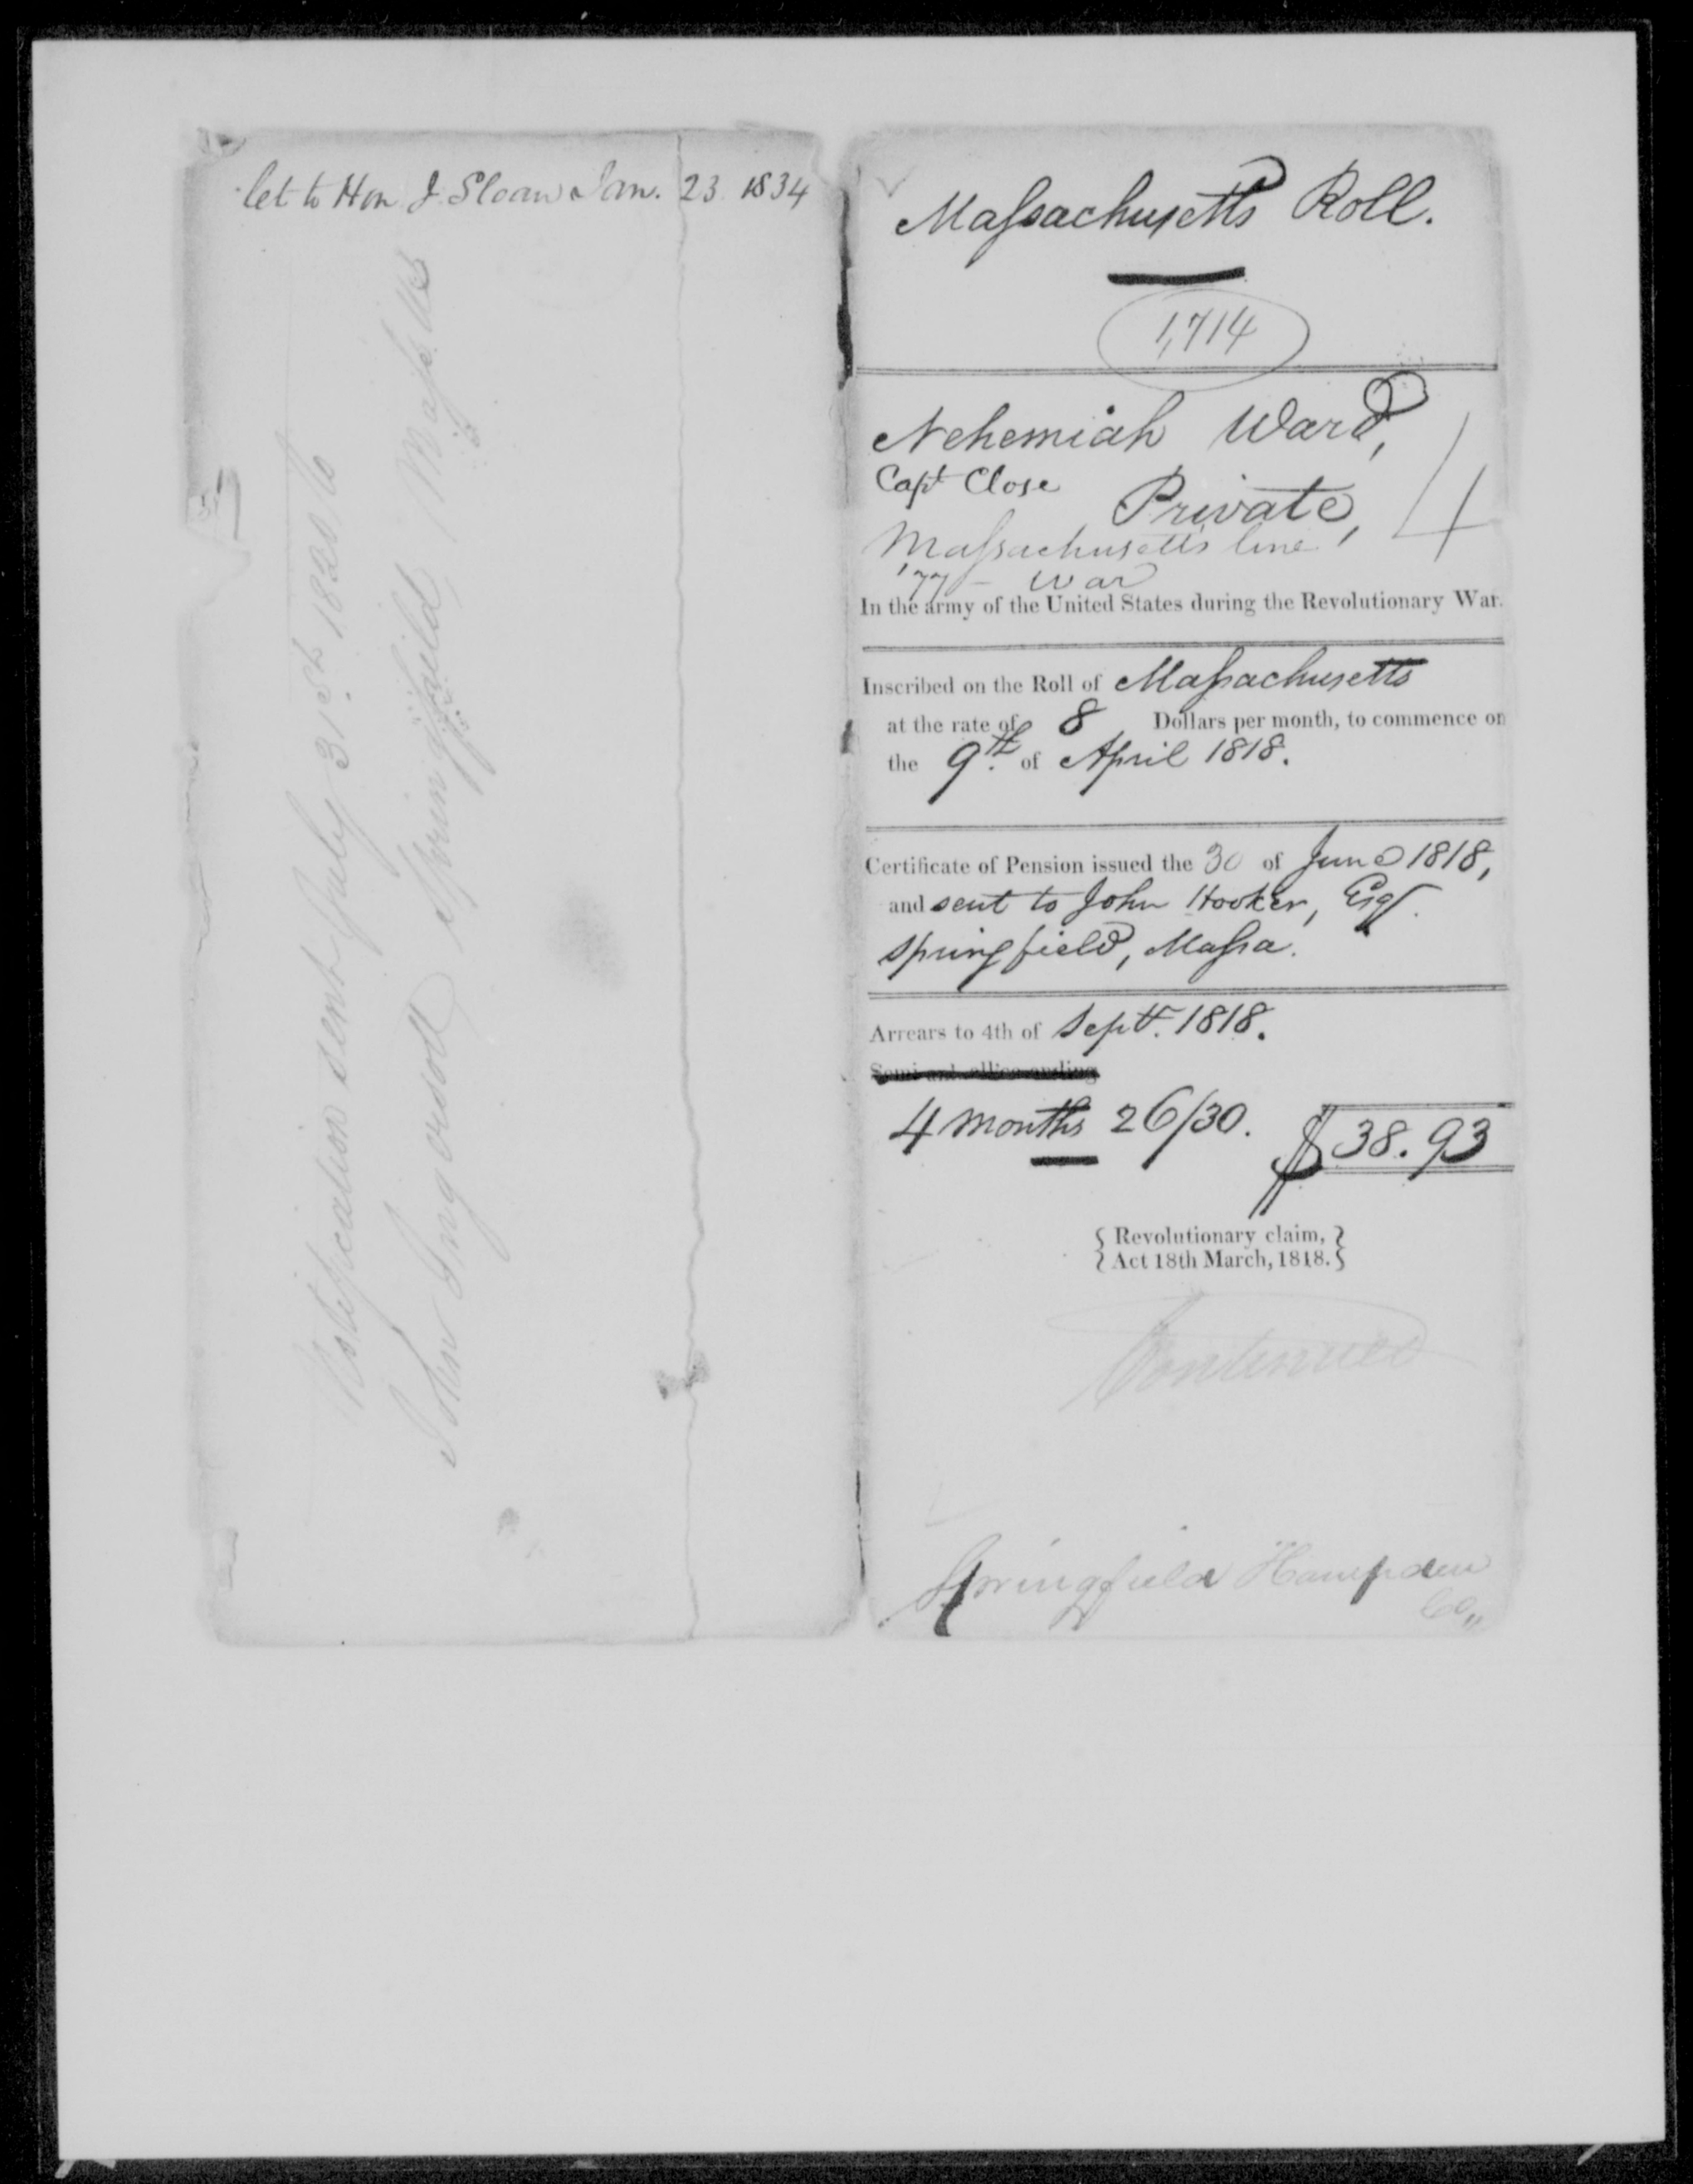let to Hon J Sloan Jan. 23 1834  

[text written below is vertically written on page from bottom to top of page, as follows:]
Notification sent July 31st 1820 to John Ingersoll, Springfield, Mass. US 

[the following text is partially written and printed horizontally on page:]
Massachusetts Roll. 
1,714 
Nehemiah Ward, 
Capt Close 
Private,      4 
Massachusetts line
'77. --  war 
In the army of the United States during the Revolutionary War. 

Inscribed on the Roll of Massachusetts the rate of 8 Dollars per month, to commence on 9th. of April 1818. 

Certificate of Pension issued the 30 of June 1818, and sent to John Hooker, Esqr. Springfield, Massa. 

Arrears to 4th of Sept. 1818. 
[crossed out 'Semi-anl. all'ce ending']
4 months 26 /30.                              $38.93 

{Revolutionary claim,}
{ Act 18th March, 1818.} 

Continued 

Springfield Hampden Co.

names: Nehemiah Ward, John Ingersoll, J Sloan, Close, John Hooker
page: 2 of 9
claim: survivor's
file: S. 33869, Nehemiah Ward, Mass.